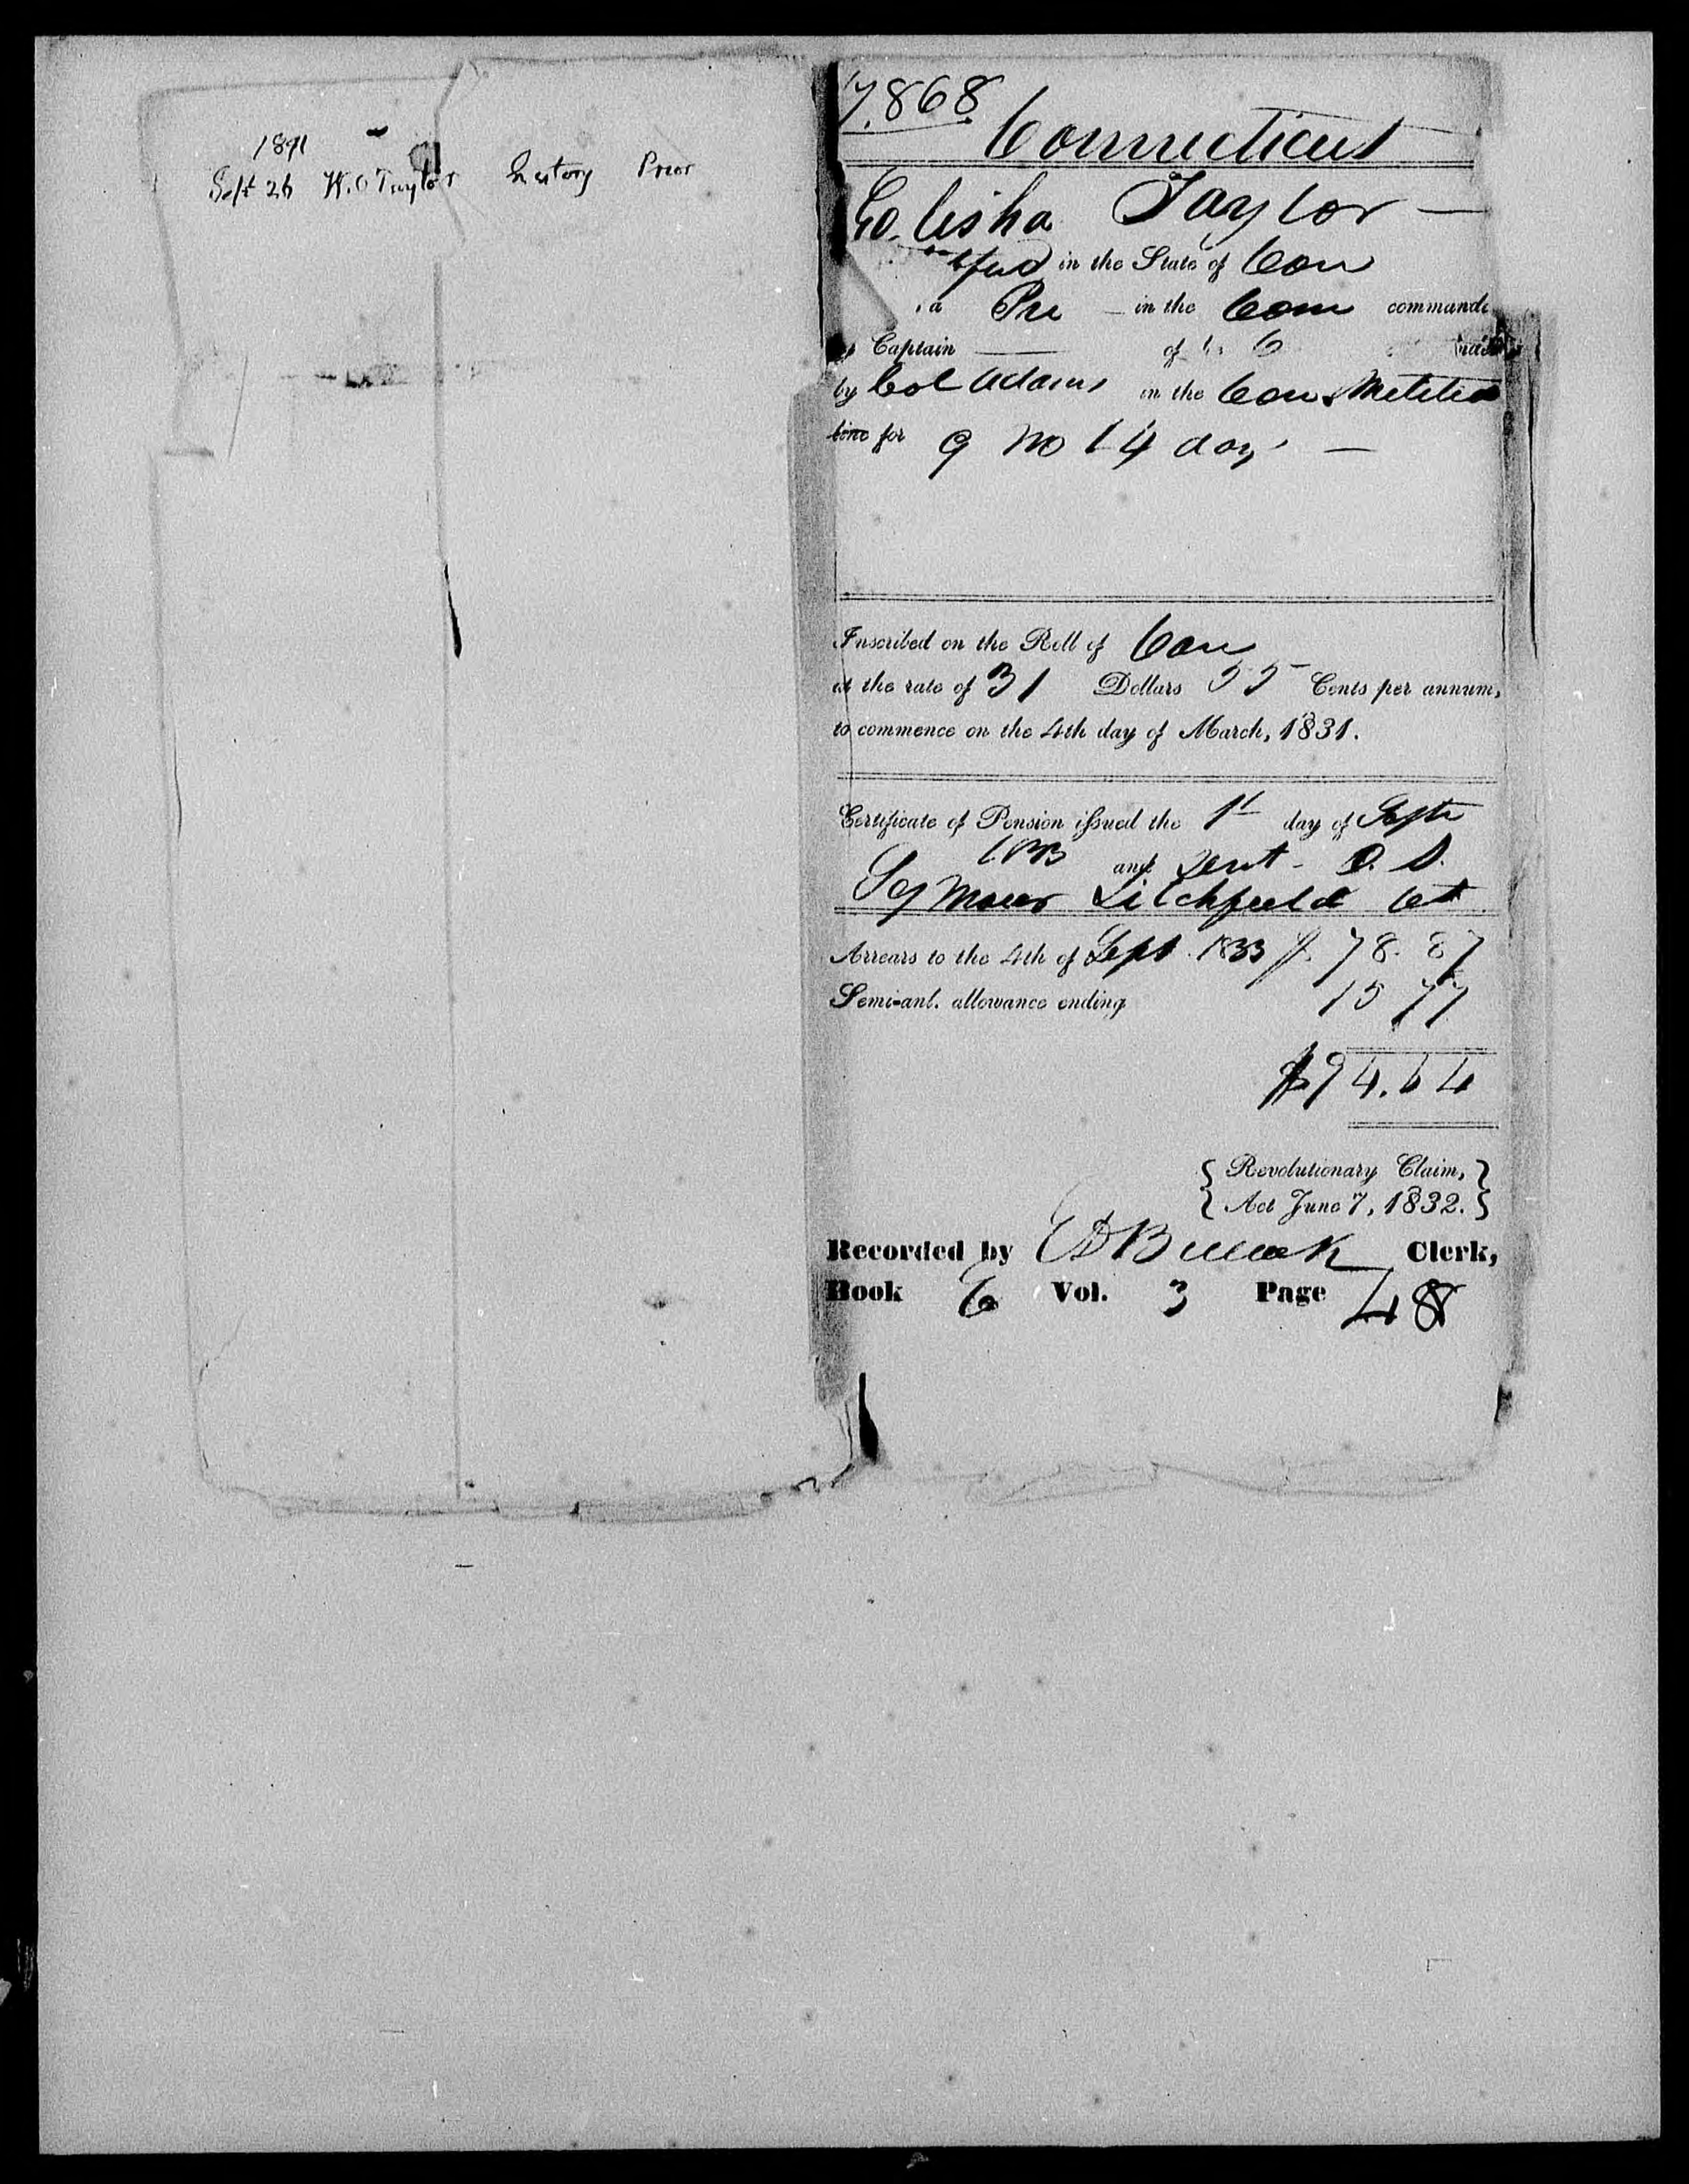(left side)  1891
Sept 26  W. O. Taylor  history Prior

(right side)
7868 Connecticut
Elisha Taylor
(illegible) in the State of Conn
(illegible) Pre in the Conn command
Captain -- of 6 (illegible)
by Col Adams in the Conn Militia
for 9 Mo 14 days --
____________________
Inscribed on the Roll of Conn at the rate of 31 Dollars 55 Cents per annum, to commence on the 4th day of March, 1831
___________________
Certificate of Pension issued the 1th day of Sept (illegible) and Leut O. S. Ley Macey Litchfield Ct
____________________
Arrears to the 4th of Sept 1833  $78.87
Semi-anl. allowance ending  15.77
    $9464
{Revolutionary Claim, Act June 7, 1832}
Recorded by E D Bulleck Clerk, Book E Vol. 3 Page 488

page: 2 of 16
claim: survivor's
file: S. 17722, for Elisha Taylor, Connecticut